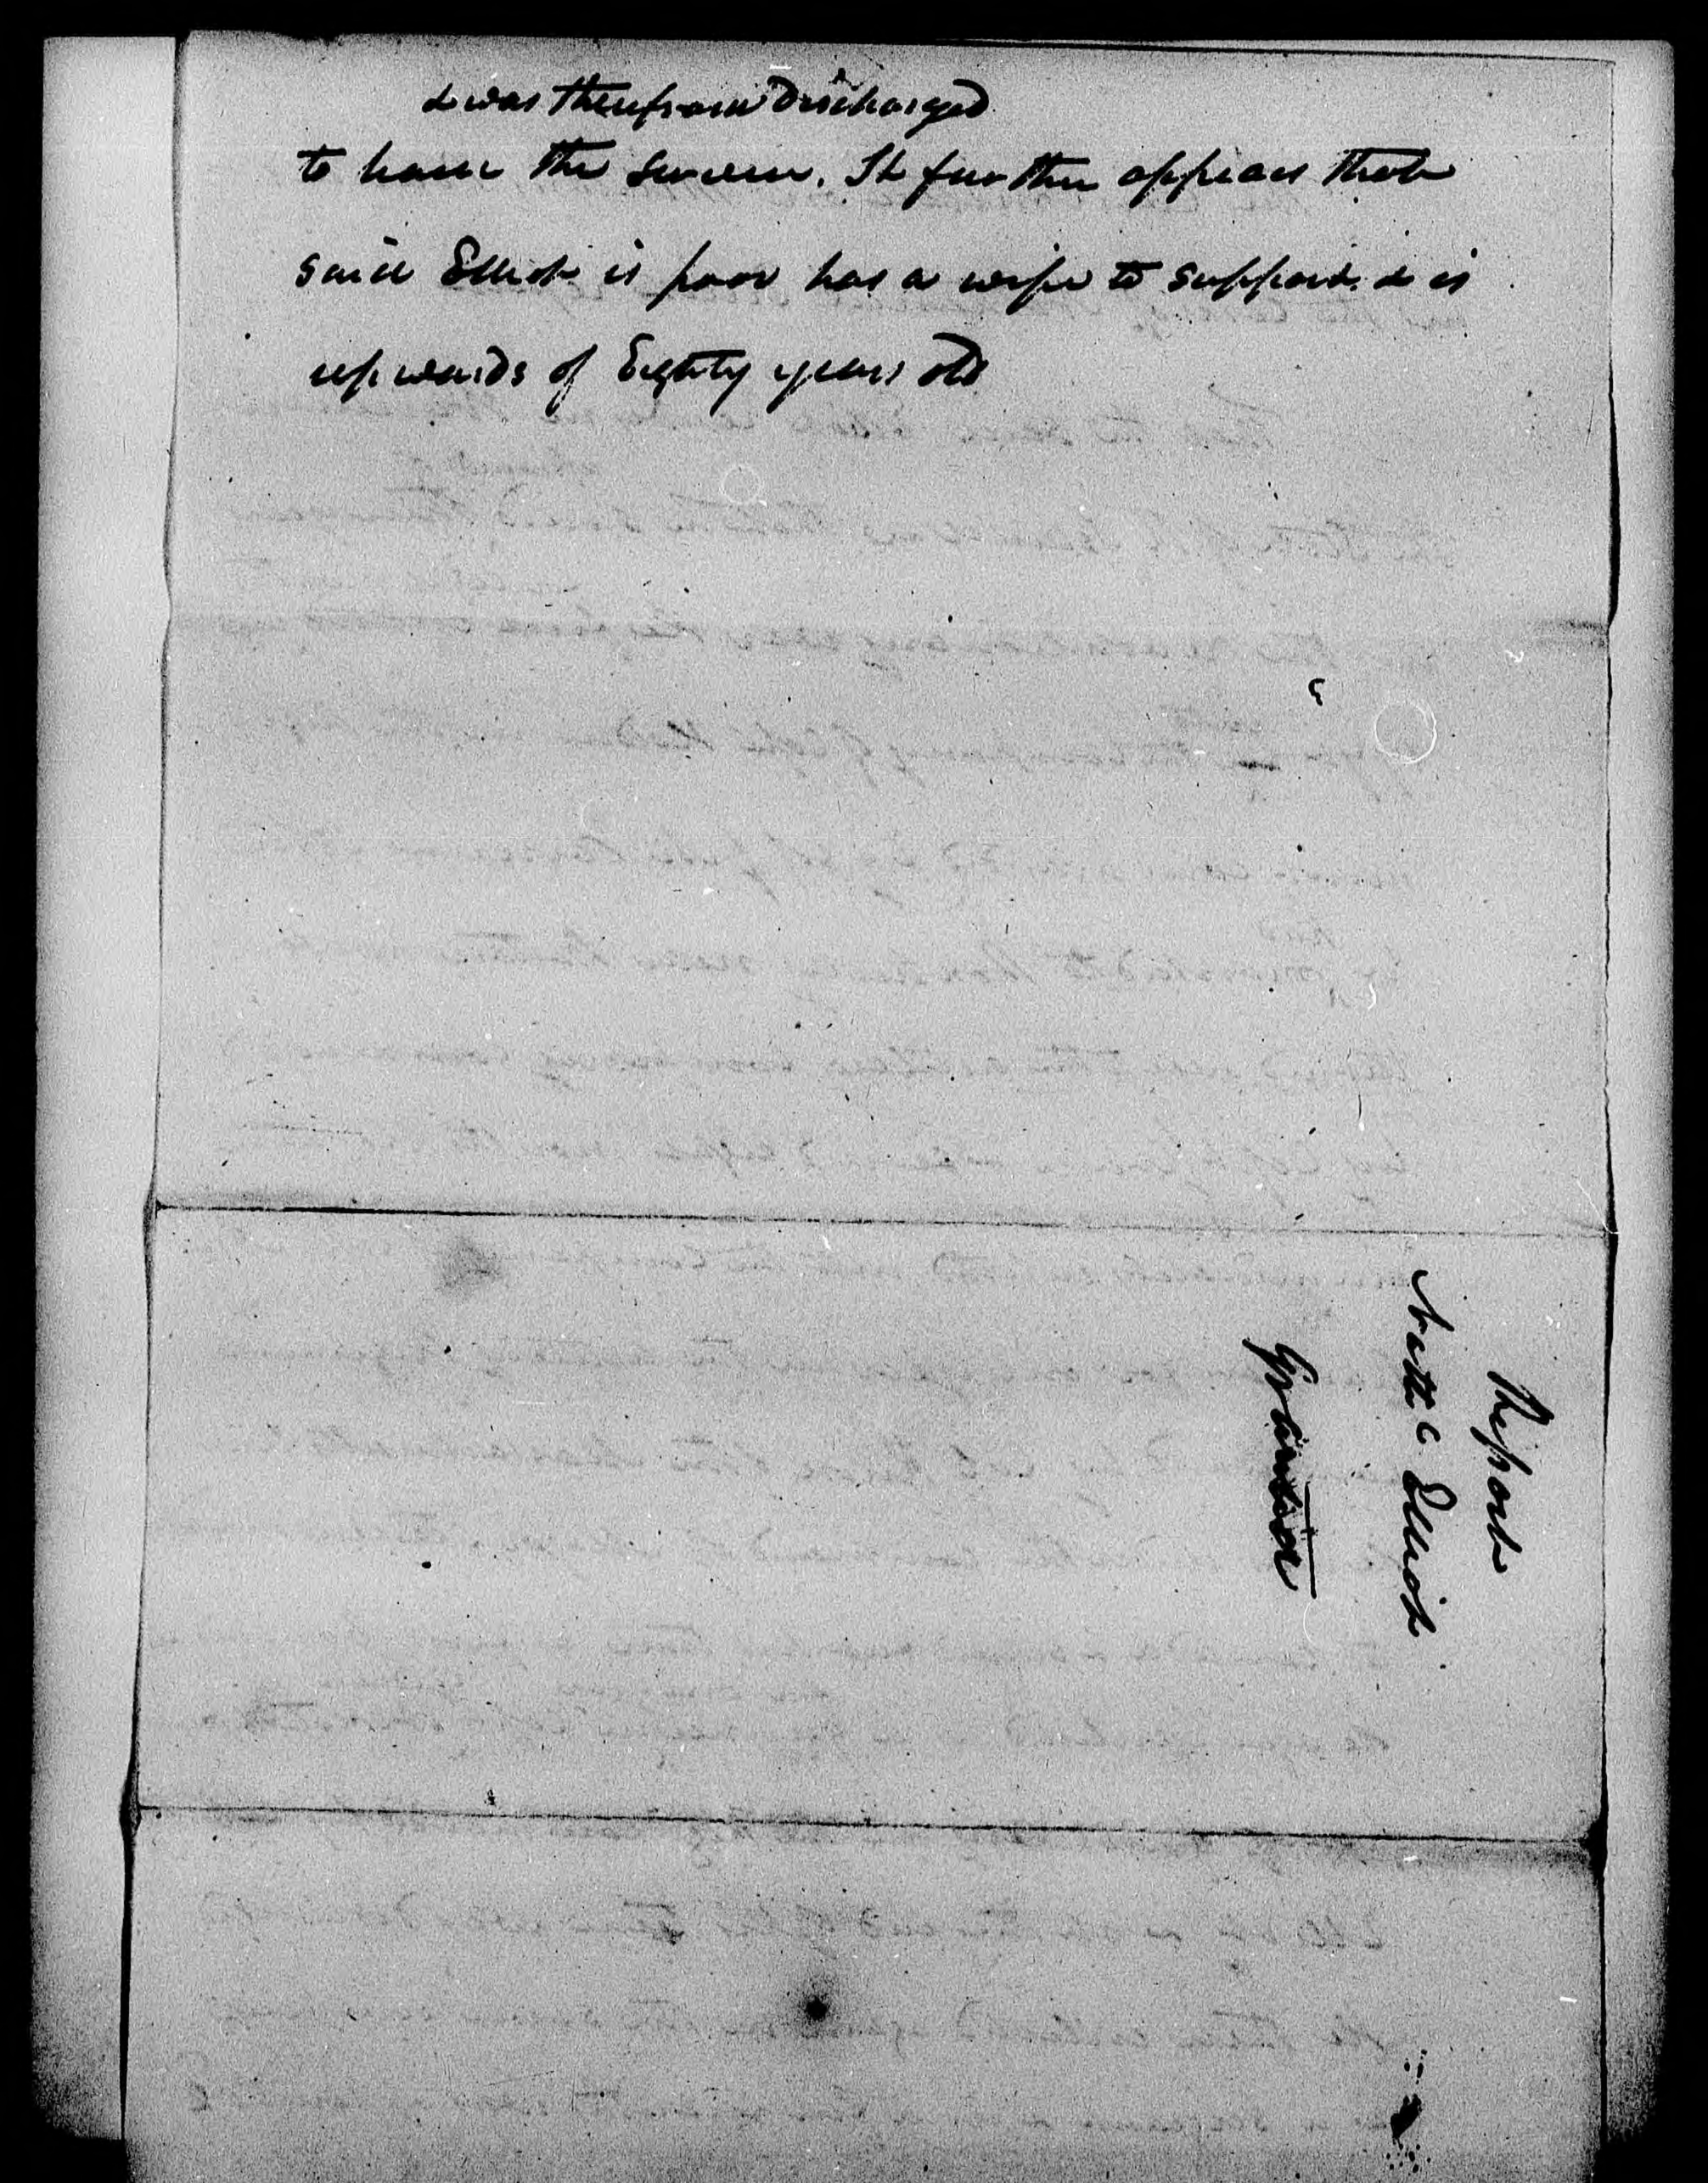& was therefrom discharged to leave the servic. It further appears that said Elliot is poor has a wife to support & is upwards of Eighty years old.

Report Nathl. Elliot Granted.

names: Nathl Elliot, Elliot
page: 18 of 29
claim: survivor's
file: S. 38679, Nathaniel Elliot, Continental R.I.